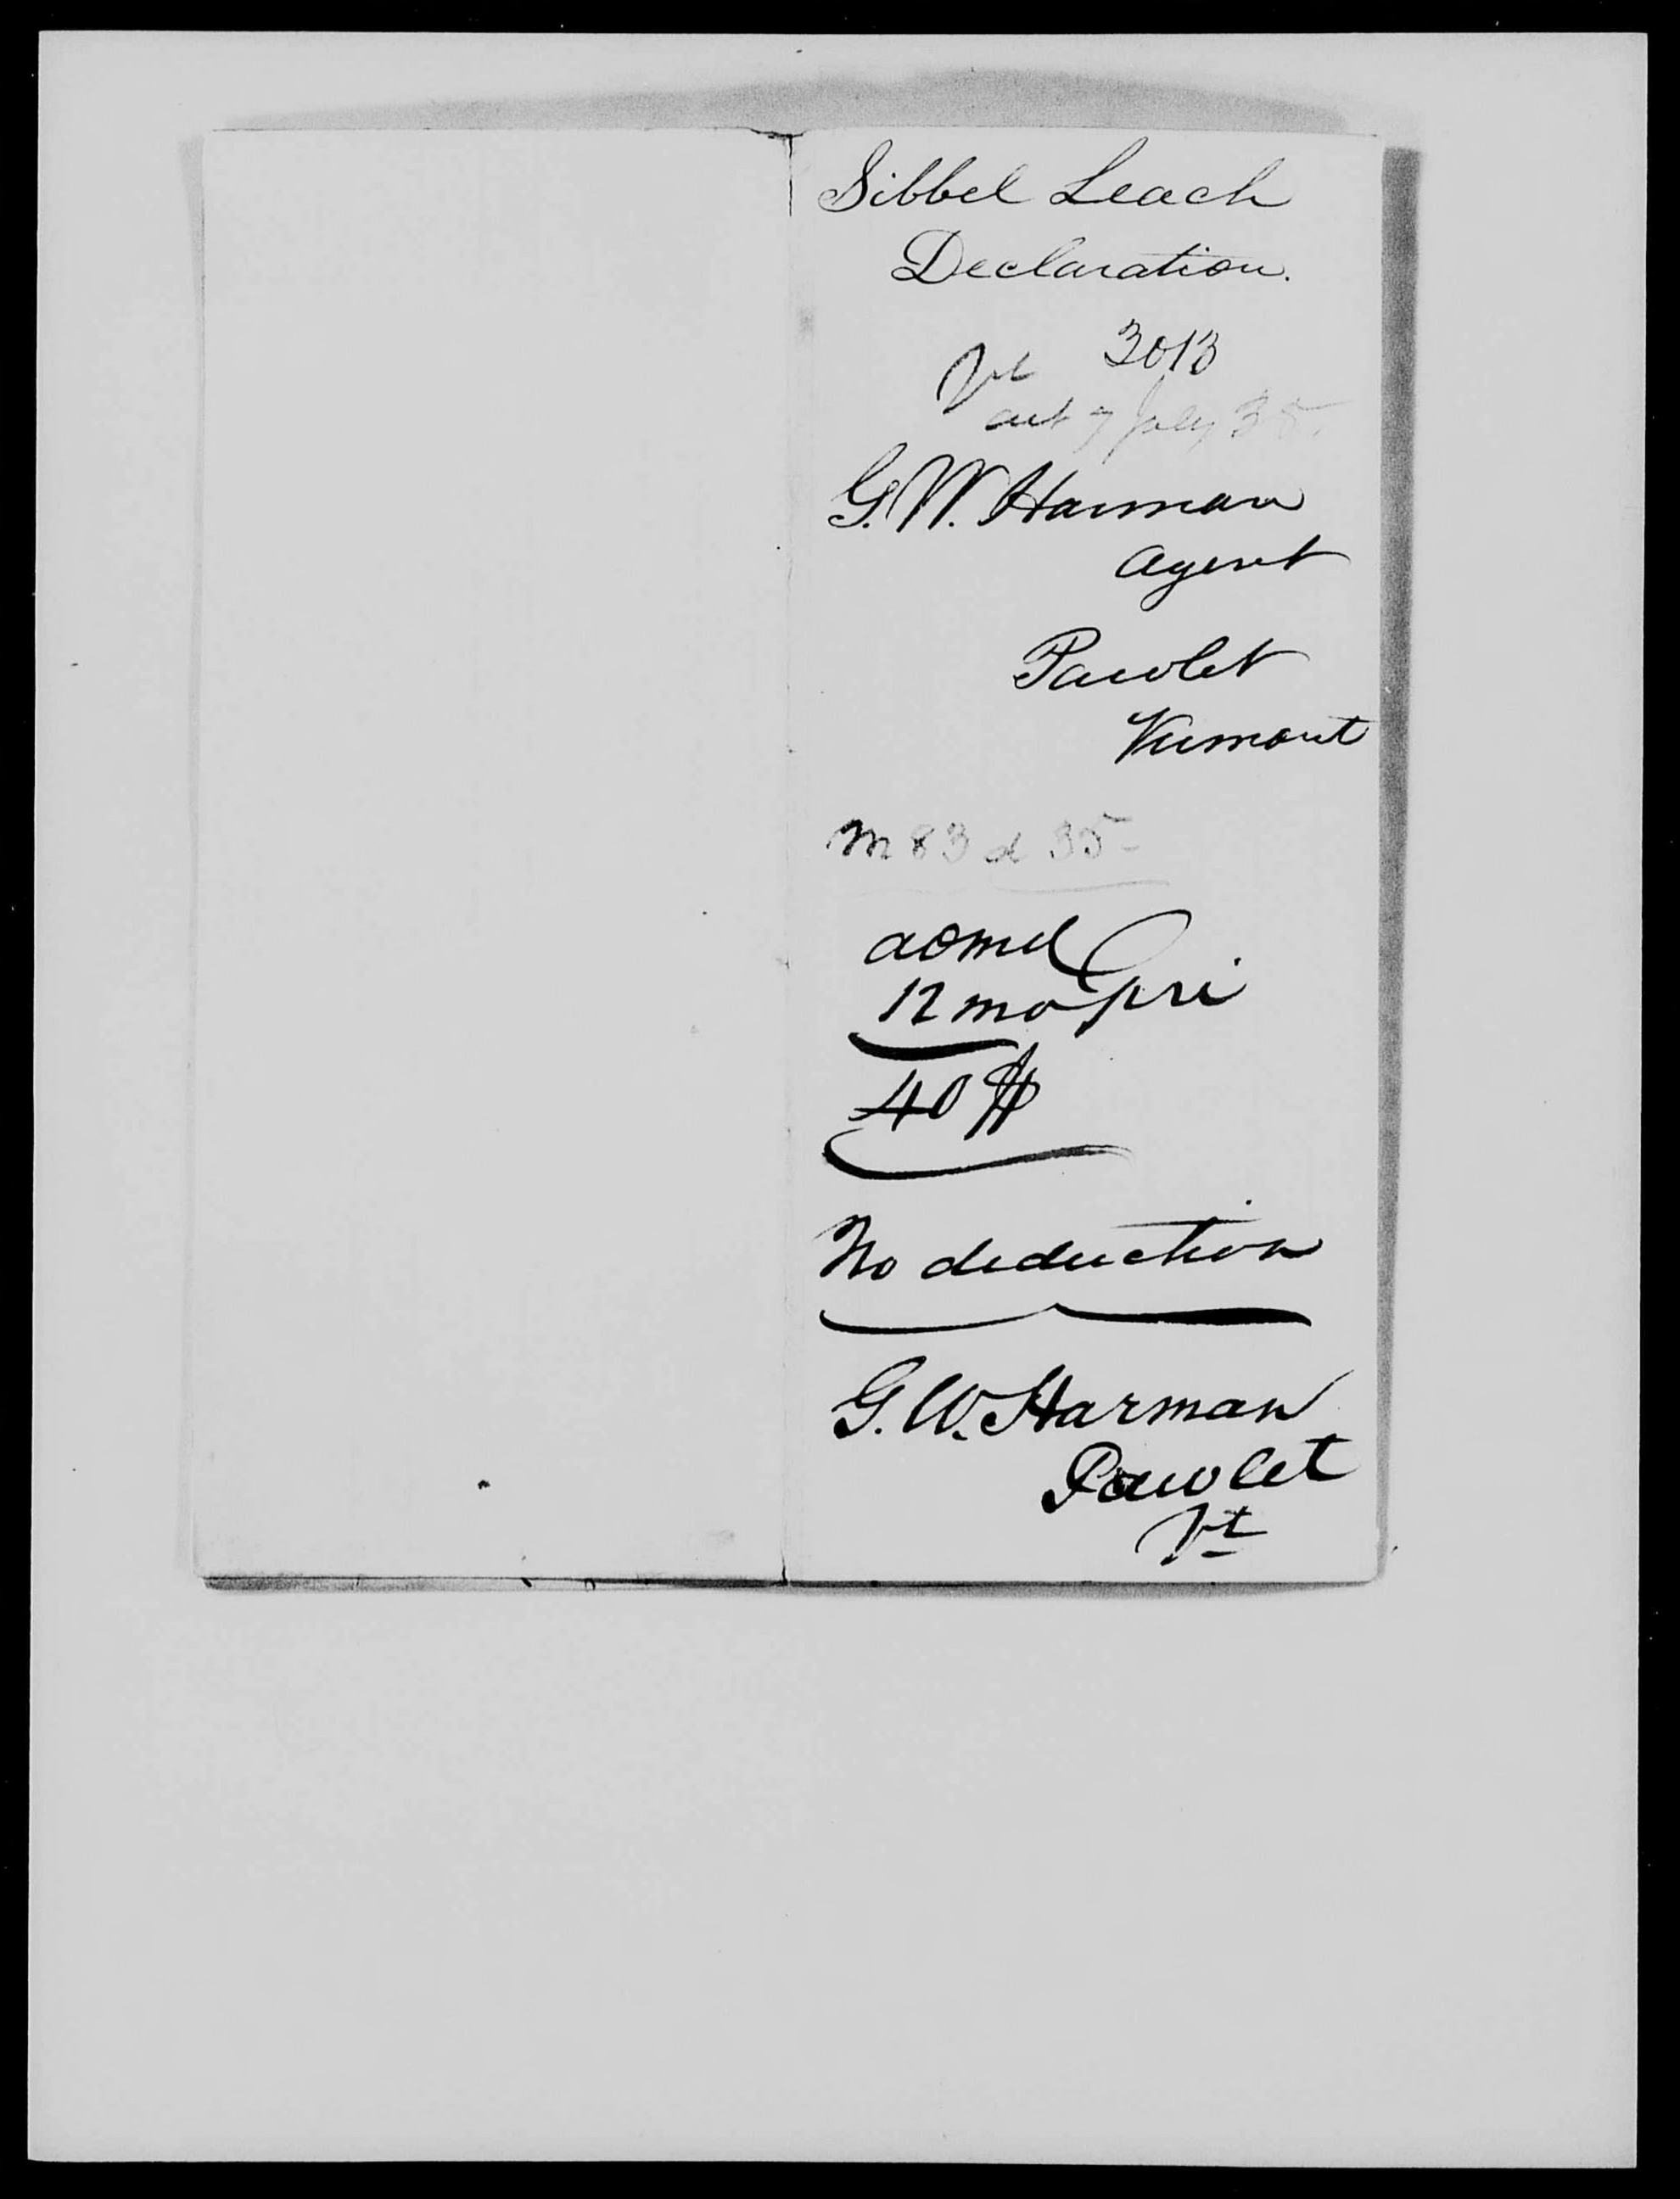Sibbel Leach
Declaration
3013
G. W. Harmon
Agent
Pawlet 
Vermont
admd
12 mo Pri
40 $
No deduction
G. W. Harmon
Pawlet Vt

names: Sibbel Leach; G W Harman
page: 17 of 27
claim: widow's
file: W. 24,500, for James Leach, Connecticut